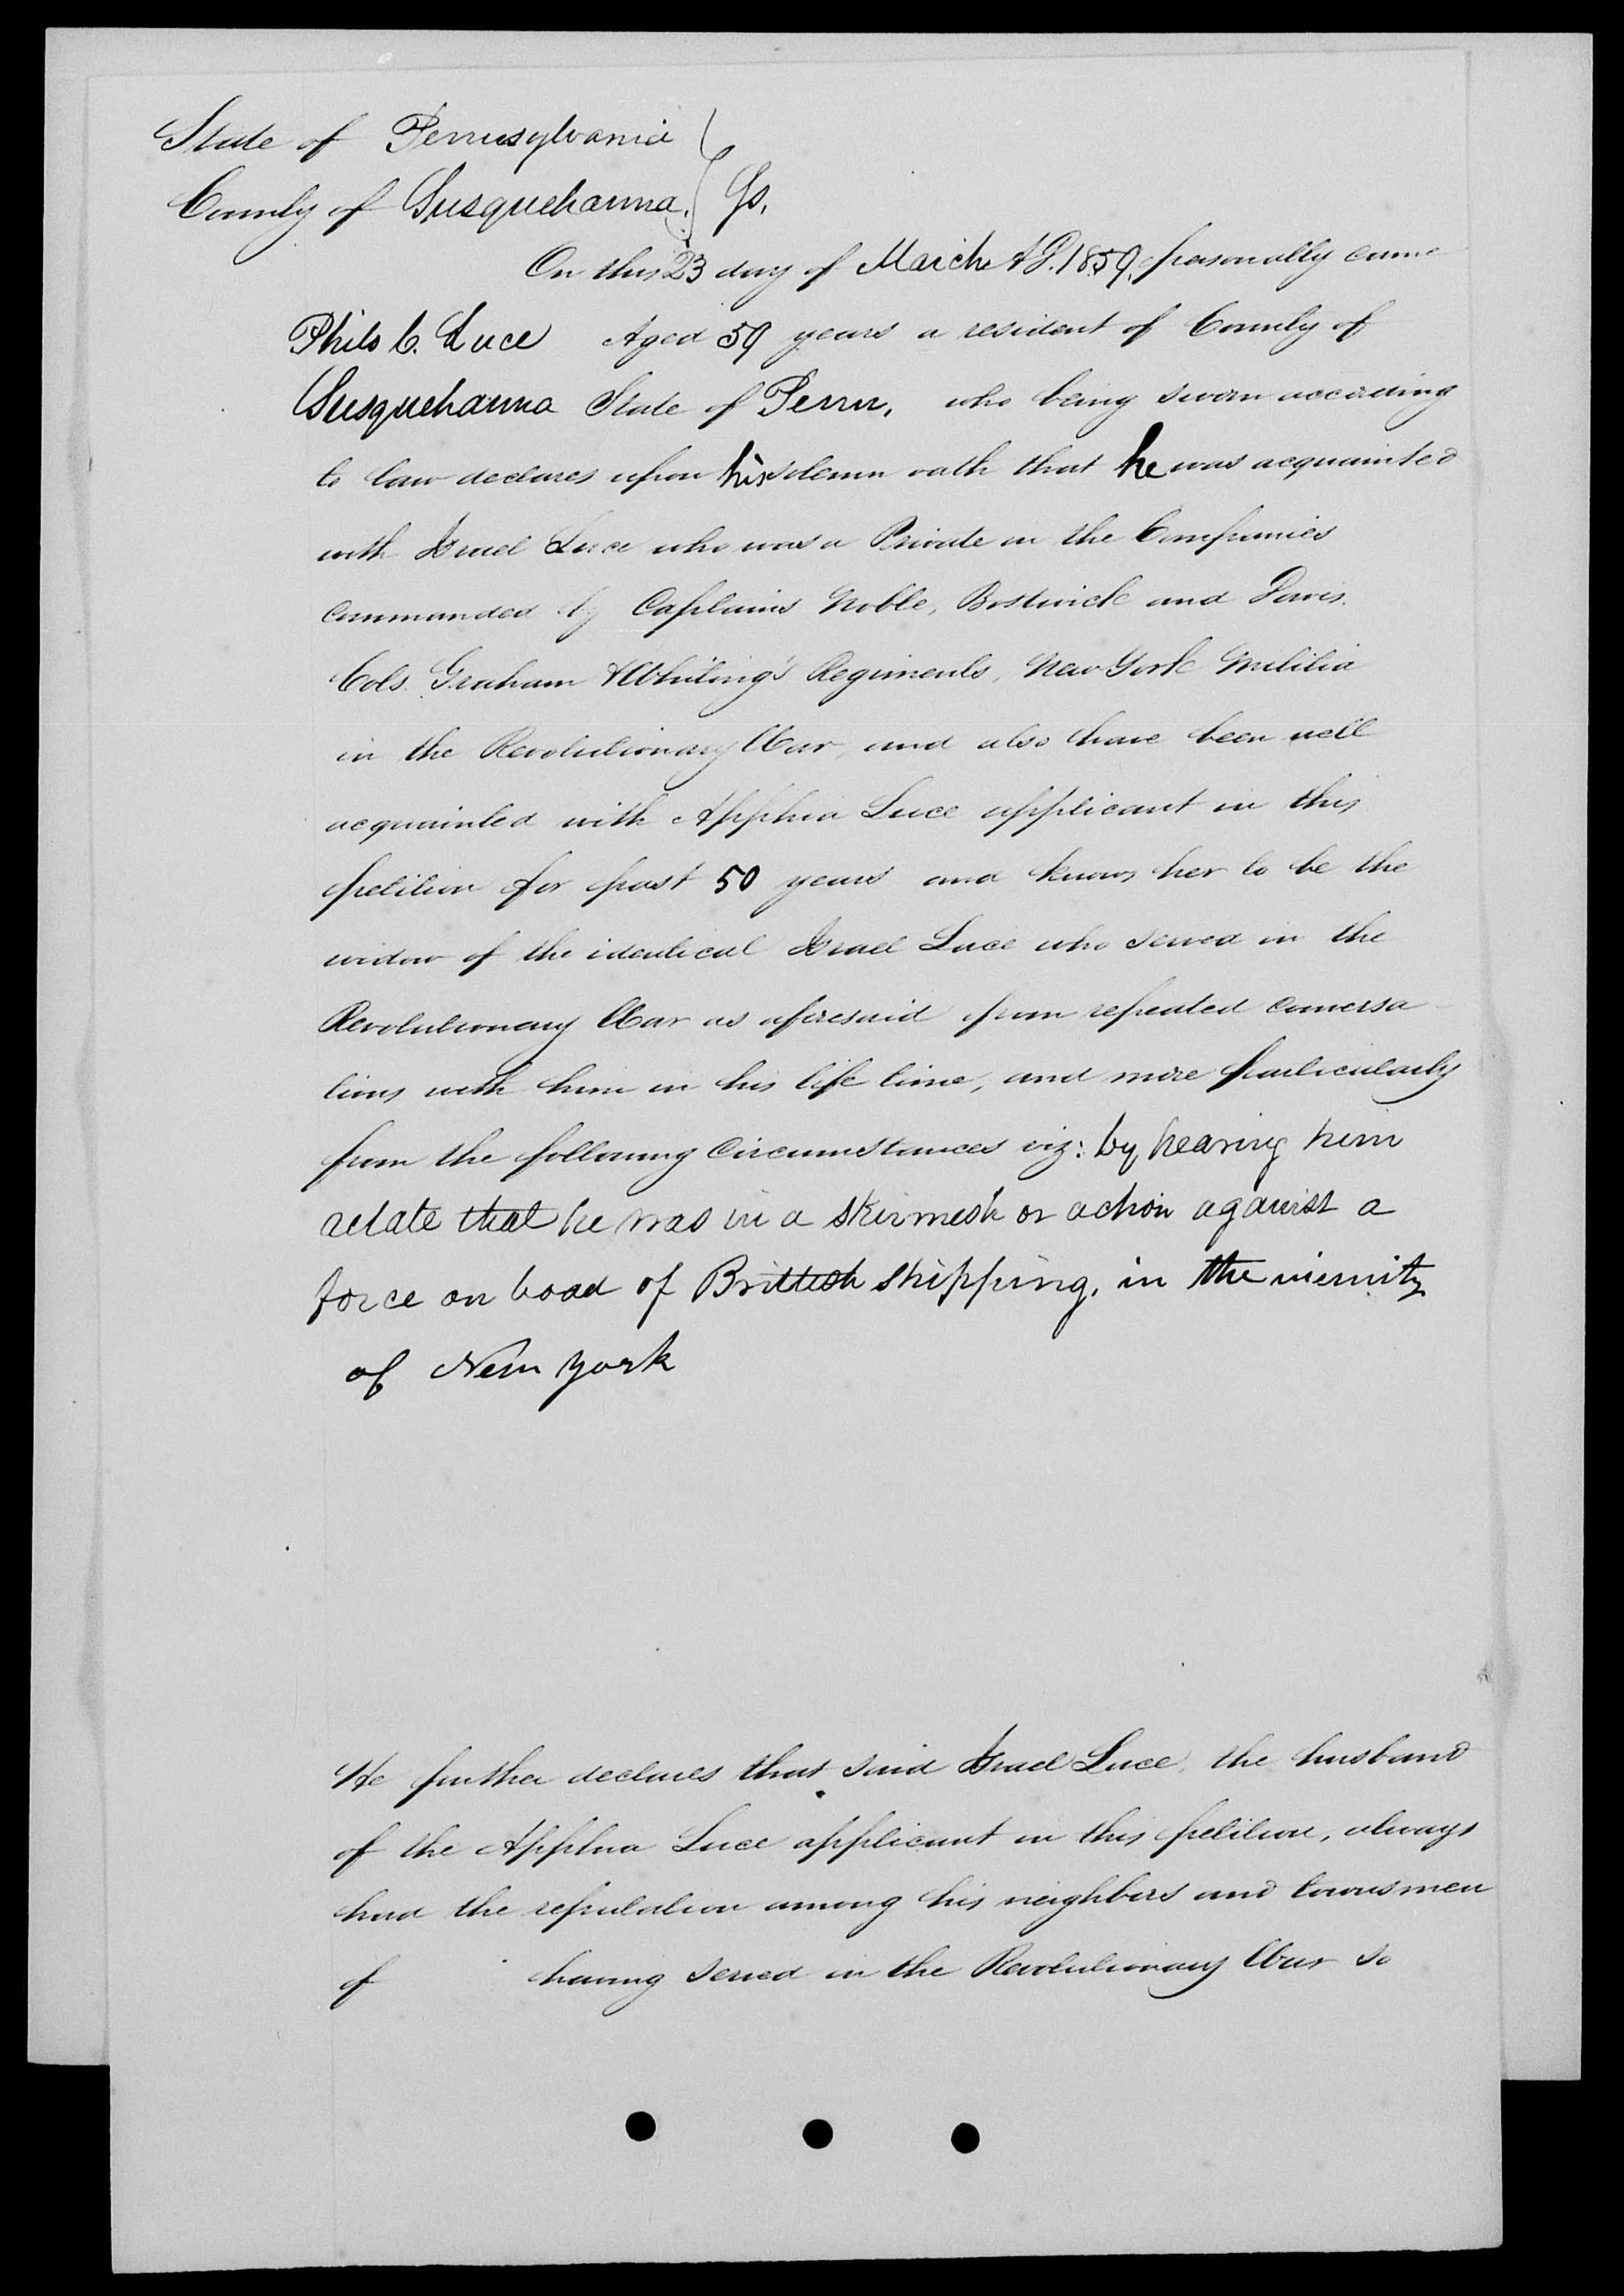State of Pennsylvania
County of Susquehanna.

On this 23 day of March AD. 1859 personally came Philo C. Luce Aged 59 years a resident of County of Susquehanna State of Penn, who being sworn according to law declares upon his solemn oath that he was acquainted with Israel Luce who was a Private in the Companies Commanded by Captains Noble, Bostwick and Paris, Cols. Graham Whiting's Regiments, New York Militia in the Revolutionary Was and also have been well acquainted with Apphia Luce applicant in this petition for past 50 years and knows her to be the widow of the identical Israel Luce who served in the Revolutionary War as aforesaid from repeated conversations with him in his life time, and more particularly from the following circumstances viz:  by hearing him state that he was in a skirmish or action against a force on boad of Brittish shipping, in the vicinity of New York

He further declares that said Israel Luce, the husband of the Apphia Luce applicant in this petition, always had the reputation among his neighbors and townsmen of having served in the Revolutionary War so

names: [BLANK] Paris; [BLANK] Noble; Apphia Luce; Philo C Luce; Israel Luce; [BLANK] Bostwick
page: 8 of 70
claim: rejected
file: R. 6510, for Israel Luce, New York